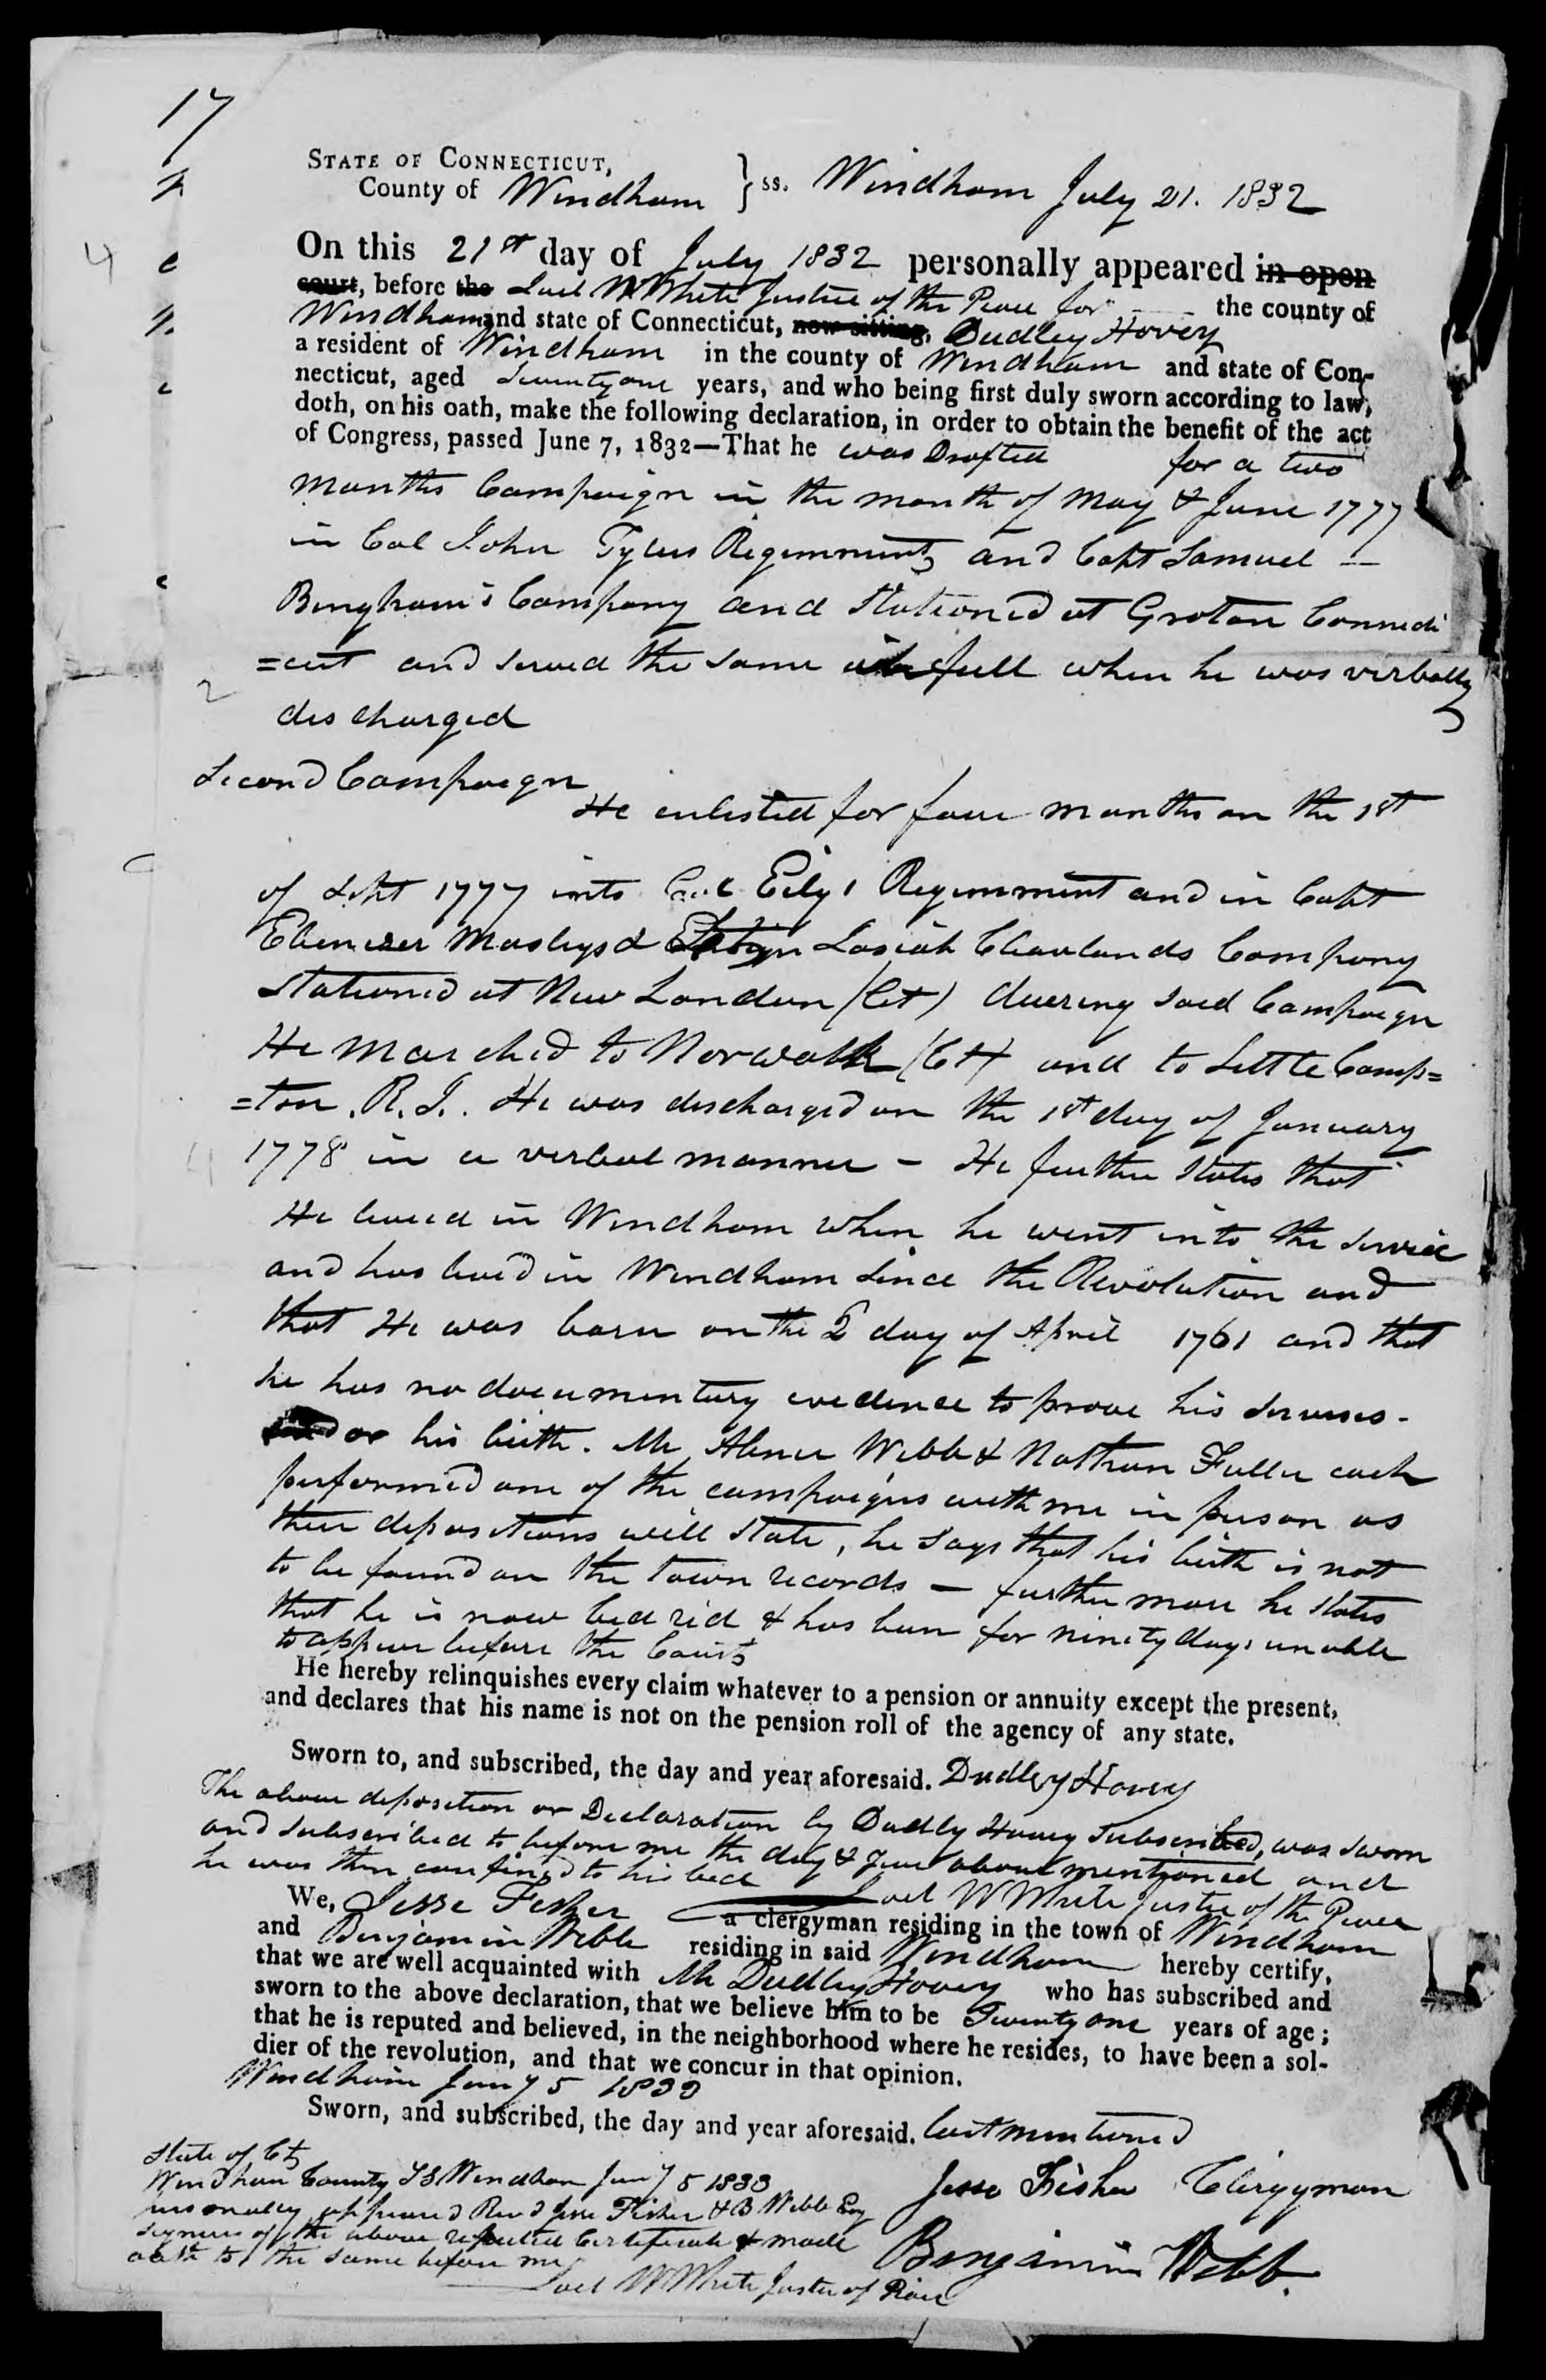State of Connecticut, County of Windham } SS. Windham July 21 1832
On this 21st day of July 1832 personally appeared [crossed out] in open court [/crossed out] before [crossed out] the [/crossed out] Just ILLEGIBLE White Justice of the Peace for ___ the county of Windham and state of Connecticut, [crossed out] now sitting, [/crossed out] Dudley Hovey a resident of Windham in the county of Windham and state of Connecticut, aged twenty one years, and who being first duly sworn according to law, doth, on his oath, make the following declaration, in order to obtain the benefit of the act of Congress, passed June 7, 1832 - that he was Drafted for a two month campaign in the month of May & June 1777 in Col John Tyler Regiments and Capt Samuel - Bungham's Company and Stationed at Gratan Connecticut and served the same full when he was verbally discharged 
Second campaign 
He enlisted for four months on the 1st of Sept 1777 into Col Eily' Regiment and in Capt  Ebenezer Mosleys & Josiah Charlan as Company stationed at New London/CT/ during land Campaign. He marched to Norwalk / CT and to Lettle Camp=ton R.D. He was discharged the 1st day of January  1778 in a verbal manner- He further states that he lived in Windham when he went into the service and has lived in Windham since the Revolution and that he was born on the 5 day of April 1761 and that he has no documentary evidence to prove his ILLEGIBLE - on his birth. Mr Alenn Wibb of Northern Fuller each performed an of the campaigns with me in person as their depositions will state, he says that his birth is not to be found on the Town records- furthermore he states that he is now bedrid & has been for ninety days unable to appear before the Courts.
He hereby relinquishes every claim whatever to a pension or annuity except the present, and declares that his name is not on the pension roll of the agency of any state.
Sworn to, and subscribed, the day and year aforesaid Dudley Hovey
The above deposition or declaration by Dudley Hovey subscribed was sworn and subscribed to before me the day and year above mentioned and he was then confined to his bed. 
ILLEGIBLE W White Justice of the Peace
We, Jesse Fisher a clergyman residing in the town of Windham and Benjamin Webb residing in said Windham hereby certify that we are well acquainted with the Dudley Hovey who has subscribed and sworn to the above declaration, that we believe him to be twenty one years of age; that he is reputed and believed , in the neighborhood where he resides, to have been a soldier of the revolution, and that we concur in that opinion 
Windham July 5 1839
Sworn, and subscribed, the day and year aforesaid last mentioned.
state of Ct Windham county  ILLEGIBLE Windham July 5 1839 personally appeared Rev's Jesse Fisher & B. Webb, Esq [illegible] of the above ILLEGIBLE certified & made oath to the same before me ILLEGIBLE W. White Justice of the peace 
Jesse Fisher clergyman 
Benjamin Webb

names: Nathan Fuller, Abner Webb, Benjamin Webb, Jesse Fisher, Dudley Hovey, Ebenezer Masleys, Joel W White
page: 8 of 13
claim: survivor's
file: S. 18451, Dudley Hovey, Conn.